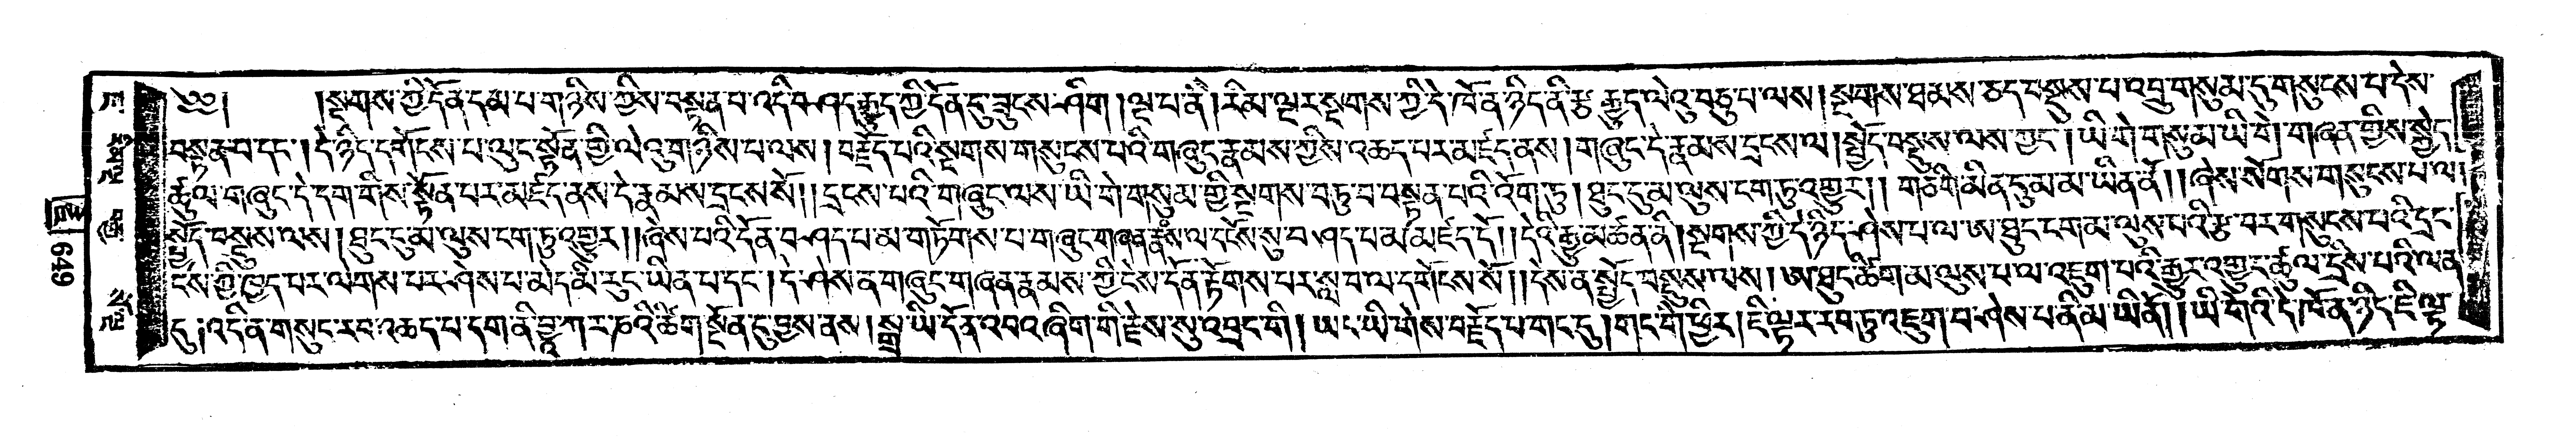༄༅། །སྔགས་ཀྱི་དོན་དམ་པ་གཉིས་ཀྱིས་བསྟན་པ་འདི་བཤད་རྒྱུད་ཀྱི་དོན་དུ་ཟུངས་ཤིག །ལྔ་པ་ནི། རིམ་ལྔར་སྔགས་ཀྱི་དེ་ཁོ་ན་ཉིད་ནི་རྩ་རྒྱུད་ལེའུ་བཅུ་པ་ལས། སྔགས་ཐམས་ཅད་བསྡུས་པ་འབྲུ་གསུམ་དུ་གསུངས་པ་དེས་
བསྟན་པ་དང་། དེ་ཉིད་དགོངས་པ་ལུང་སྟོན་གྱི་ལེའུ་གཉིས་པ་ལས། བརྗོད་པའི་སྔགས་གསུངས་པའི་གཞུང་རྣམས་ཀྱིས་འཆད་པར་མཛད་ནས། གཞུང་དེ་རྣམས་དྲངས་ལ། སྤྱོད་བསྡུས་ལས་ཀྱང་། ཡི་གེ་གསུམ་ཡི་གེ་གཞན་གྱིས་སྐྱེད་
ཚུལ་གཞུང་དེ་དག་གིས་སྟོན་པར་མཛད་ནས་དེ་རྣམས་དྲངས་སོ། །དྲངས་པའི་གཞུང་ལས་ཡི་གེ་གསུམ་གྱི་སྔགས་བཏུ་བ་བསྟན་པའི་འོག་ཏུ། ཐུང་དུ་མ་ལུས་ངག་ཏུ་འགྱུར། །གཅིག་མིན་དུ་མ་མ་ཡིན་ནོ། །ཞེས་སོགས་གསུངས་པ་ལ་
སྤྱོད་བསྡུས་ལས། ཐུང་ངུ་མ་ལུས་ངག་ཏུ་འགྱུར། །ཞེས་པའི་དོན་བཤད་པ་མ་གཏོགས་པ་གཞུང་གཞན་རྣམས་ལ་དངོས་སུ་བཤད་པ་མ་མཛད་དོ། །དེའི་རྒྱུ་མཚན་ནི། སྔགས་ཀྱི་དེ་ཉིད་ཤེས་པ་ལ་ཨ་ཐུང་ངག་མ་ལུས་པའི་རྩ་བར་གསུངས་པའི་དྲང་
ངེས་ཀྱི་ཁྱད་པར་ལེགས་པར་ཤེས་པ་མེད་མི་རུང་ཡིན་པ་དང་། ད་ཤེས་ན་གཞུང་གཞན་རྣམས་ཀྱི་ངེས་དོན་རྟོགས་པར་སླ་བ་ལ་དགོངས་སོ། །དེས་ན་སྤྱོད་བསྡུས་ལས། ཨ་ཐུང་ཚིག་མ་ལུས་པ་ལ་འཇུག་པའི་རྒྱུར་འགྱུར་ཚུལ་དྲིས་པའི་ལན་
དུ། འདི་ན་གསུང་རབ་འཆད་པ་དག་ནི་བྱཱ་ཀ་ར་ཎའི་ཚིག་སྔོན་དུ་བྱས་ནས། སྒྲ་ཡི་དོན་འབའ་ཞིག་གི་རྗེས་སུ་འབྲང་གི། ཡང་ཡི་གེས་བརྗོད་པ་གང་དུ། གང་གི་ཕྱིར། ཇི་ལྟར་རབ་ཏུ་འཇུག་པ་ཤེས་པ་ནི་མ་ཡིན་ནོ། །ཡི་གེའི་དེ་ཁོ་ན་ཉིད་ཇི་ལྟ་